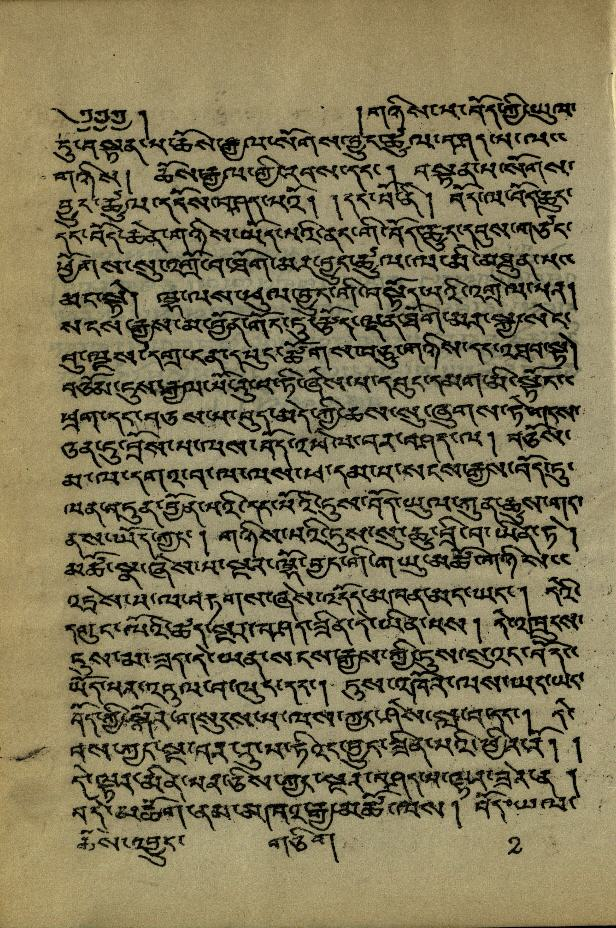༄༅༅། །གཉིས་པ་བོད་ཀྱི་ཡུལ་
དུ་བསྟན་པ་ཆོས་རྒྱལ་སོགས་བྱུང་ཚུལ་བཤད་པ་ལ་
གཉིས། ཆོས་རྒྱལ་གྱི་རབས་དང་། བསྟན་པ་སོགས་
བྱུང་ཚུལ་དངོས་བཤད་པའོ། །དང་པོ་ནི། བོད་ལ་བོད་ཆུང་
དང་བོད་ཆེན་གཉིས་ཡོད་པའི་ནང་གི་བོད་ཆུང་དབུས་གཙང་
ཕྱོགས་སུ་འགྲོ་བ་ཐོག་མར་བྱུང་ཚུལ་ལ་མི་མཐུན་པ་
མང་སྟེ། ལྷ་ལས་ཕུལ་བྱུང་གི་བསྟོད་པའི་འགྲེལ་པར།
སངས་རྒྱས་མ་བྱོན་གོང་ཏུ་རྩོད་ལྡན་ཐོག་མར་སྐྱ་སེང་།
བུ་ལྔས་དགྲ་ངན་དཔུང་ཚོགས་བཅུ་གཉིས་དང་འཐབ་སྟེ།
བཅོམ་ཏུས་རྒྱལ་པོ་རུ་བ་ཏི་ཞེས་པ་དཔུང་དམག་མི་སྟོང་
ཕྲག་དང་བཅས་ཡ་བུད་མེད་ཀྱི་ཆས་སུ་ཞུགས་ཏེ་གངས་
ཅན་དུ་བྲོས་པ་ལས་བོད་འཕེལ་བར་བཤད་ལ། བཅོས་
མ་ལ་དགའ་བ་ལ་ལས་ཕ་དམ་པ་སངས་རྒྱས་བོད་ཏུ་
ལན་བདུན་བྱོན་པའི་དང་པོའི་དུས་བོད་ཡུལ་ཀུན་ཆུས་གད་
ནས་ཡོད་ཀྱང་། གཉིས་པའི་དུས་སུ་ཆུ་བྲི་བ་ཡིན་ཏེ།
མཚོ་སྣ་ཞེས་པ་སྔར་ལྷོ་བྱང་གི་གཡུ་མཚོ་གཉིས་
འདྲེས་པ་ལ་བཏགས་ཞེས་འདོད་མཁན་མང་ཡང་། དེའི་
དགུང་ལོའི་ཚད་སྔར་བཤད་ཟིན་དེ་ཡིན་པས། དེ་འཁྲུངས་
དུས་མ་ཟད་དེ་ཡན་སངས་རྒྱས་ཀྱི་ཏུས་སུ་འད་བོད་
ཡོད་པན་འབུལ་བ་ལུང་དང་། ཏུས་འཁོར་ལས་ཡང་ཡང་
བོད་ཀྱི་སྐོར་གསུངས་པ་ལས་ཀྱང་ཤེས་སླ་བ་དང་། དེ་
བས་ཀྱང་སྔ་བར་རུ་པ་ཏིའང་བྱུང་ཟིན་པའི་ཕྱིར་རོ། །
དེ་ལྟར་མིན་པར་ཅིས་ཀྱང་སྔར་བཤད་པ་ལྟར་ཟེར་ན།
བདེ་མཆོག་ནམ་མཁའ་རྒྱ་མཚོ་ལས། བོད་ཡལ།